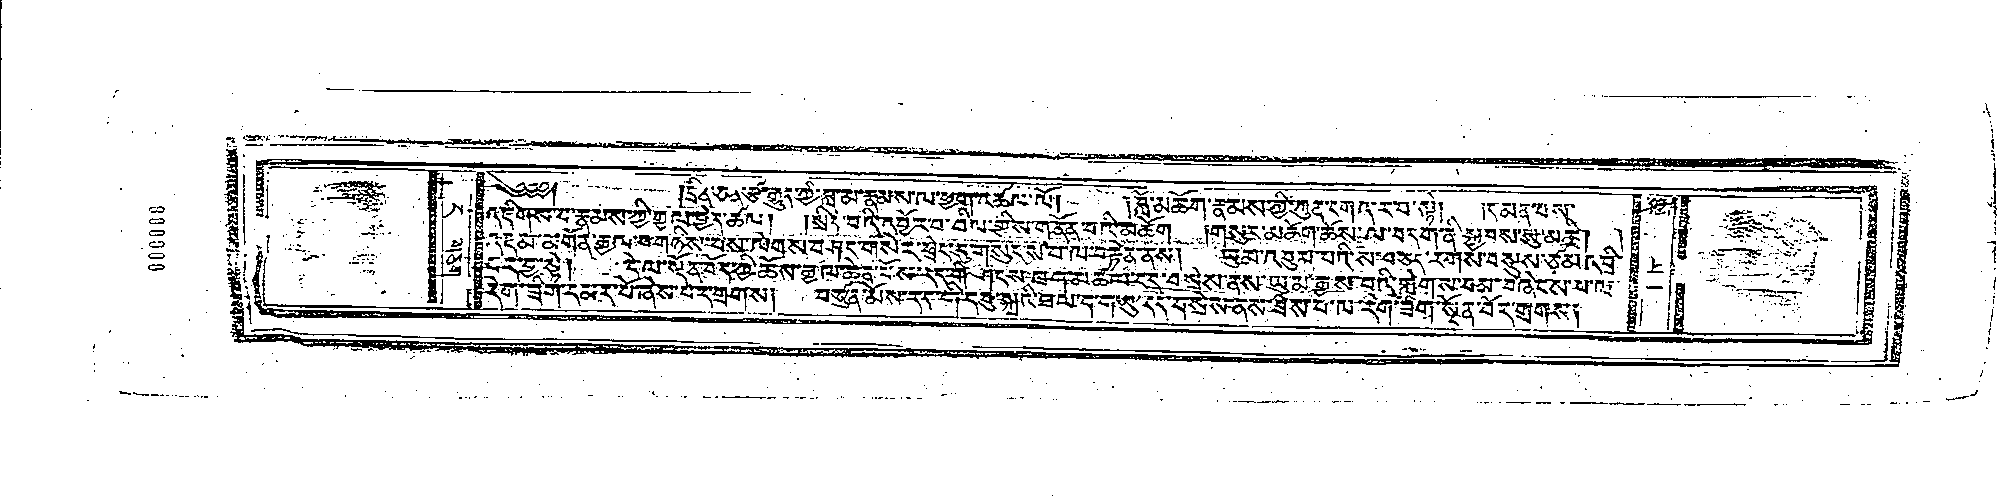༄༅༅། །དྲིན་ཅན་རྩ་རྒྱུད་ཀྱི་བླ་མ་རྣམས་ལ་ཕྱག་འཚལ་ལོ། །བློ་མཆོག་རྣམས་ཀྱི་ཀུན་དགའ་བ་སྟེ། །དམན་པས་
འཇིགས་པ་རྣམས་ཀྱི་རྒྱལ་བྱེད་ཚུལ། །སྲིད་པའི་འབྱོར་བ་བིལ་གྱིས་གནོན་བའི་མཆོག །གསུང་མཆོག་ཆོས་ལ་བདག་ནི་སྐྱབས་སུ་མཆི། །
འཇམ་མགོན་རྒྱལ་བ་གཉིས་པས་ལེགས་བཤད་གསེར་ཕྲེང་དུ་གསུངས་པ་ལ་བརྟེན་ནས། ཡུམ་འབུམ་པའི་ས་བཅད་རིགས་བསྡུས་ཙམ་འབྲི་
བར་བྱ་སྟེ། དེ་ལ་སྔོན་བོད་ཀྱི་ཆོས་རྒྱལ་ཆེན་པོས་རང་གི་ཤངས་ཁྲག་མཚལ་ངད་བསྲེས་ནས་ཡུམ་རྒྱས་བའི་གླེགས་བམ་བཞེངས་པ་ལ་
རེག་ཟིག་དམར་པོ་ཞེས་པར་གྲགས། བཙུན་མས་རང་གི་དབུ་སྐྲའི་ཐལ་བ་གཡུ་དང་བསྲེས་ནས་བྲིས་པ་ལ་རེག་ཟིག་སྔོན་བོར་གྲགས།